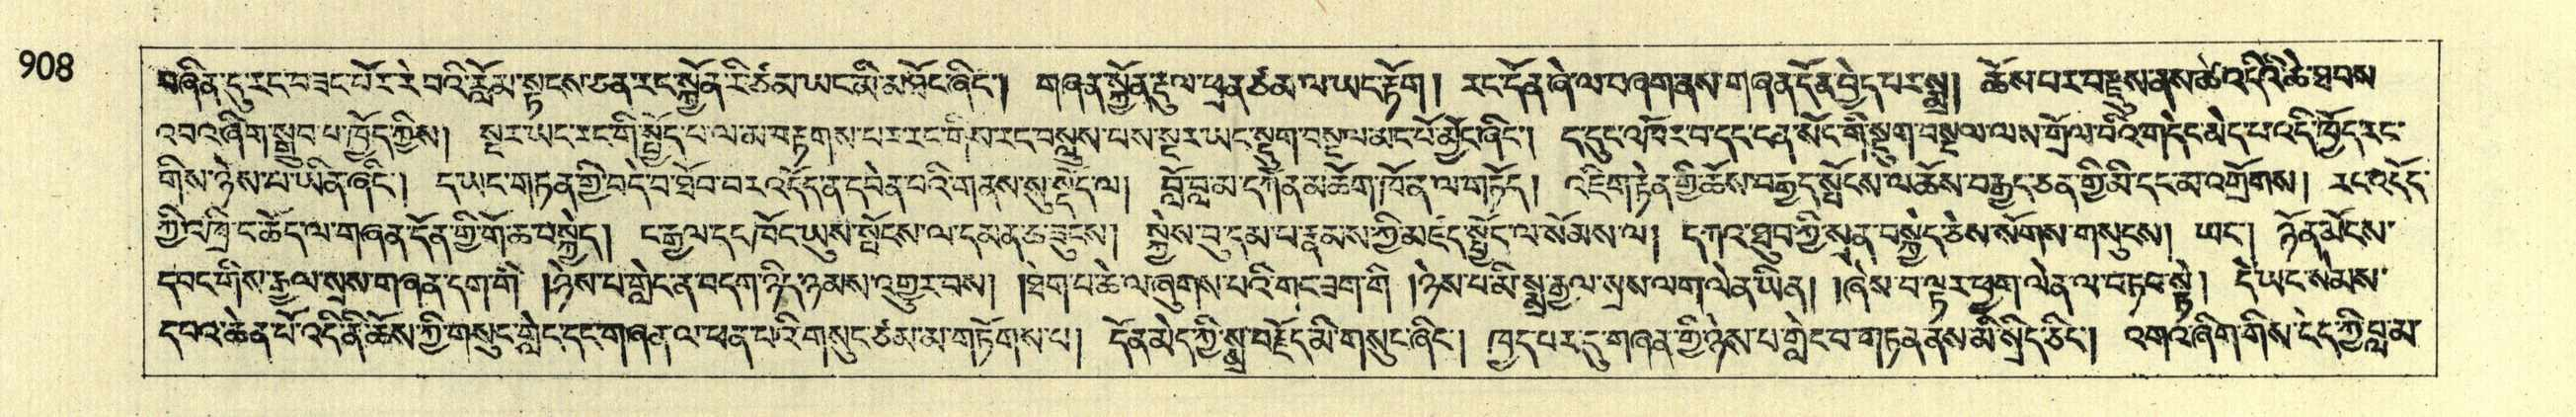བཞིན་དུ་རང་བཟང་པོར་རེ་བའི་རློམ་སྟངས་ཅན་རང་སྐྱོན་རི་ཙམ་ཡང་མི་མཐོང་ཞིང་། གཞན་སྐྱོན་རྡུལ་ཕྲན་ཙམ་ལ་ཡང་རྟོག། རང་དོན་ཞེ་ལ་བཞག་ནས་གཞན་དོན་བྱེད་པར་སྨྲ། ཆོས་པར་བརྫུས་ནས་ཚེ་འདིའི་ཆེ་ཐབས་
འབའ་ཞིག་སྒྲུབ་པ་ཁྱོད་ཀྱིས། སྔར་ཡང་རང་གི་སྤྱོད་པ་ལ་མ་བརྟགས་པར་རང་གིས་རང་བསླུས་པས་སྔར་ཡང་སྡུག་བསྔལ་མང་པོ་མྱོང་ཞིང་། ད་དུང་འཁོར་བ་དང་ངན་སོང་གི་སྡུག་བསྔལ་ལས་གྲོལ་བའི་གདེང་མེད་པ་འདི་ཁྱོད་རང་
གིས་ཉེས་པ་ཡིན་ཞིང་། ད་ཡང་གཏན་གྱི་བདེ་བ་ཐོབ་བར་འདོད་ན་དབེན་པའི་གནས་སུ་སྡོད་ལ། བློ་བླ་མ་དཀོན་མཆོག་ཁོ་ན་ལ་གཏོད། འཇིག་རྟེན་གྱི་ཆོས་བརྒྱད་སྤོངས་ལ་ཆོས་བརྒྱད་ཅན་གྱི་མི་དང་མ་འགྲོགས། རང་འདོད་
ཀྱི་འཁྲི་ང་ཆོད་ལ་གཞན་དོན་གྱི་གོ་ཆ་བསྐྱེད། ང་རྒྱལ་དང་ཁོང་ཡུས་སྤོངས་ལ་དམན་ཆ་ཟུངས། སྐྱེས་བུ་དམ་པ་རྣམས་ཀྱི་མཛད་སྤྱོད་ལ་སོམས་ལ། དཀའ་ཐུབ་ཀྱི་སྲན་བསྐྱེད་ཅེས་སོགས་གསུངས། ཡང་། ཉོན་མོངས་
དབང་གིས་རྒྱལ་སྲས་གཞན་དག་གི །ཉེས་པ་གླེང་ན་བདག་ཉིད་ཉམས་འགྱུར་བས། །ཐེག་པ་ཆེ་ལ་ཞུགས་པའི་གང་ཟག་གི །ཉེས་པ་མི་སྨྲ་རྒྱལ་སྲས་ལག་ལེན་ཡིན། །ཞེས་བ་ལྟར་ཕྱག་ལེན་ལ་བཏབ་སྟེ། དེ་ཡང་སེམས་
དཔའ་ཆེན་པོ་འདི་ནི་ཆོས་ཀྱི་གསུང་གླེང་དང་གཞན་ལ་ཕན་པའི་གསུང་ཙམ་མ་གཏོགས་པ། དོན་མེད་ཀྱི་སྨྲ་བརྗོད་མི་གསུང་ཞིང་། ཁྱད་པར་དུ་གཞན་གྱི་ཉེས་པ་གླེང་བ་གཏན་ནས་མི་སྲིད་ཅིང་། འགའ་ཞིག་གིས་ངེད་ཀྱི་བླ་མ་